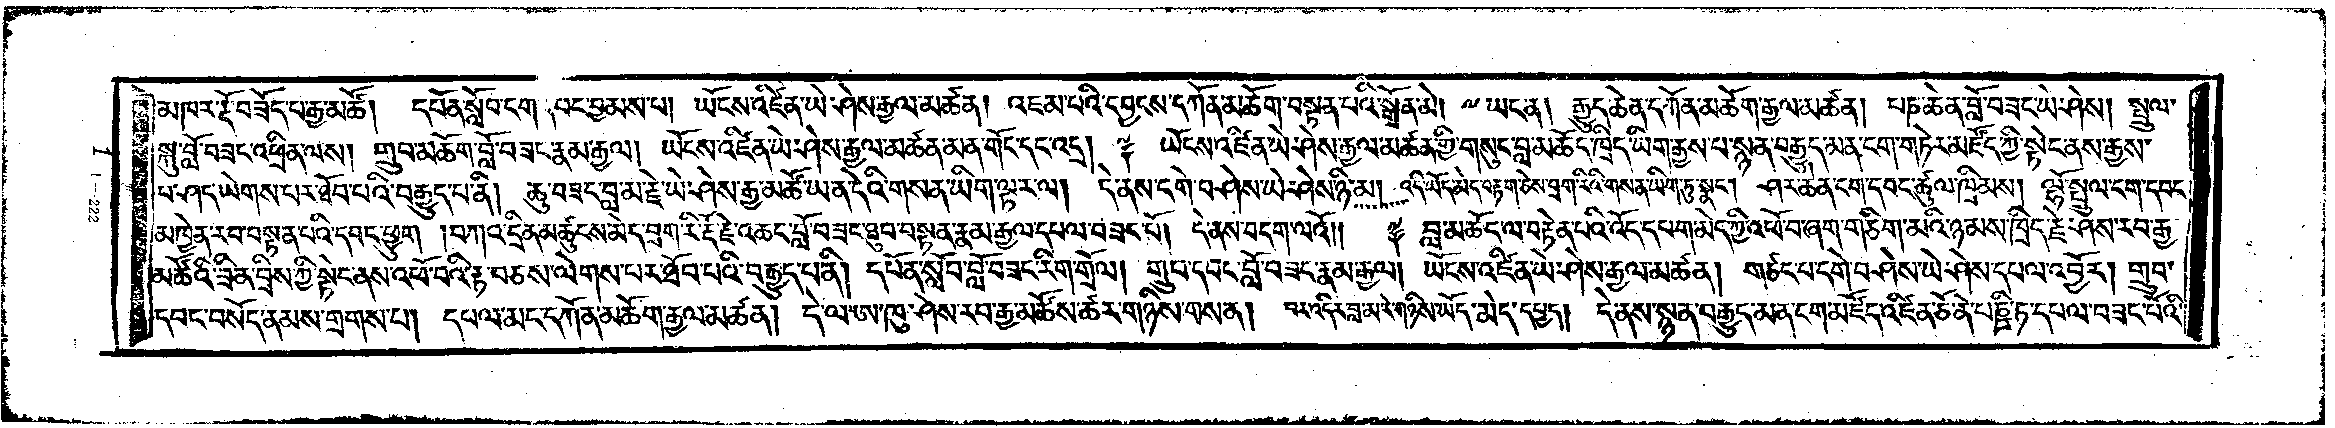མཁར་རྡོ་བཟོད་པ་རྒྱ་མཚོ། དཔོན་སློབ་ངག་དབང་བྱམས་པ། ཡོངས་འཛིན་ཡེ་ཤེས་རྒྱལ་མཚན། འཇམ་པའི་དབྱངས་དཀོན་མཆོག་བསྟན་པའི་སྒྲོན་མེ། ༧ཡང་ན། རྒྱུད་ཆེན་དཀོན་མཆོག་རྒྱལ་མཚན། པཎ་ཆེན་བློ་བཟང་ཡེ་ཤེས། སྤྲུལ་
སྐུ་བློ་བཟང་འཕྲིན་ལས། གྲུབ་མཆོག་བློ་བཟང་རྣམ་རྒྱལ། ཡོངས་འཛིན་ཡེ་ཤེས་རྒྱལ་མཚན་མན་གོང་དང་འདྲ། འ་ཡོངས་འཛིན་ཡེ་ཤེས་རྒྱལ་མཚན་གྱི་གསུང་བླ་མཆོད་ཁྲིད་ཡིག་རྒྱས་པ་སྙན་བརྒྱུད་མན་ངག་གཏེར་མཛོད་ཀྱི་སྟེང་ནས་རྒྱས་
བཤད་ཡེགས་པར་ཐོབ་པའི་བརྒྱུད་པ་ནི། ཆུ་བཟང་བླ་མ་རྗེས་ཡེ་ཤེས་རྒྱ་མཚོ་ཡན་དེའི་གསན་ཡིག་ལྟར་ལ། དེ་ནས་དགེ་བཤེས་ཡེ་ཤེས་ཉི་འདི་ཡོད་མེད་བརྟག་ཅེས་བྲག་རིའི་གསན་ཡིག་ཏུ་སྣང་།  མ། ཤར་ཆེན་ངག་དབང་ཚུལ་ཁྲིམས། ལྷོ་སྤྲུལ་ངག་དབང་
མཁྱེན་རབ་བསྟན་པའི་དབང་ཕྱུག །བཀའ་དྲིན་མཚུངས་མེད་བྲག་རི་རྡོ་རྗེ་འཆང་བློ་བཟང་ཐུབ་བསྟན་རྣམ་རྒྱལ་དཔལ་བཟང་པོ། དེ་ནས་བདག་ལའོ།། འ་བླ་མཆོད་ལ་བརྟེན་པའི་འོད་དཔག་མེད་ཀྱི་འཕོ་བ་ཞག་གཅིག་མའི་ཉམས་ཁྲིད་རྗེ་ཤེས་རབ་རྒྱ་
མཚོའི་ཟིན་བྲིས་ཀྱི་སྟེང་ནས་འཕོ་བའི་རྟ་བཅས་ལེགས་པར་ཐོབ་པའི་བརྒྱུད་པ་ནི། དཔོན་སློབ་བློ་བཟང་རིག་གྲོལ། གྲུབ་དབང་བློ་བཟང་རྣམ་རྒྱལ། ཡོངས་འཛིན་ཡེ་ཤེས་རྒྱལ་མཚན། གཙང་པ་དགེ་བཤེས་ཡེ་ཤེས་དཔལ་འབྱོར། གྲུབ་
དབང་བསོད་ནམས་གྲགས་པ། དཔལ་མད་དཀོན་མཆོག་རྒྱལ་མཚན། དེ་ལ་ཨ་ཁུ་ཤེས་རབ་རྒྱ་མཚོས་ཚར་གཉིས་གསན། བར་འདིར་བླ་མ་རེ་གཉིས་ཡོད་མེད་དཔྱད།  དེ་ནས་སྙན་བརྒྱུད་མན་ངག་མཛོད་འཛིན་ཅོ་ནེ་པཎྜི་ཏ་དཔལ་བཟང་པོའི་